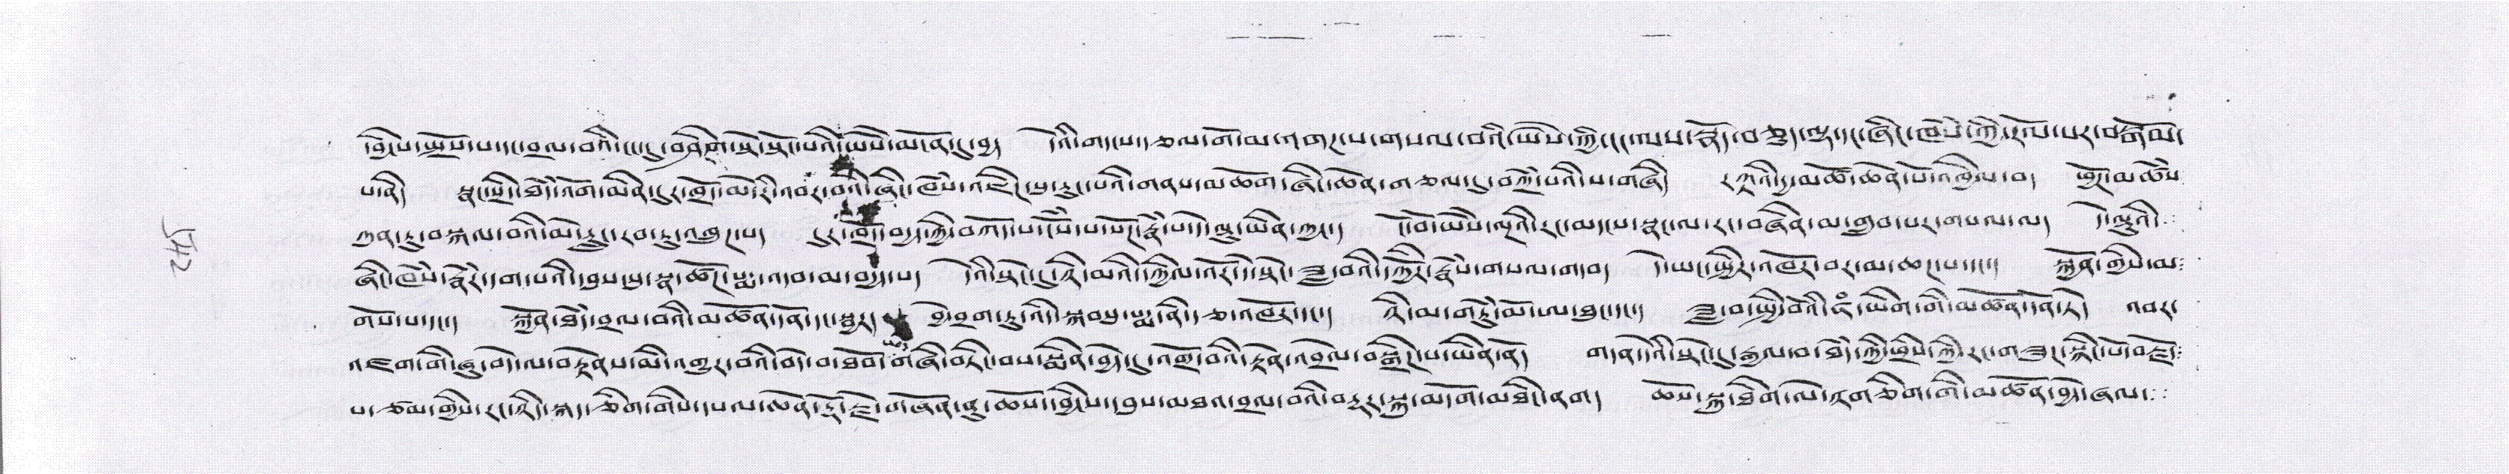དབྱིངས་སྤྲོས་པ་དང་བྲལ་བའི་ངང་དུ་བཤིག་སྟེ་སྟོང་པའི་ཡེ་ཤེས་མངོན་དུ་བྱ། དེའི་གདངས་རྩལ་གོ་མ་འགག་པ་གསལ་བའི་ཡེ་ཤེས་ཀྱི་ངང་ལས་སྣོད་བཅུད་ལྷ་དང་ཞིང་ཁམས་ཀྱི་རོལ་པར་བསྒོམ་
པ་ནི། སྣང་སྲིད་ཐམས་ཅད་འོག་མིན་དུར་ཁྲོད་མེ་རི་འབར་བའི་ཞིང་ཁམས་འཇིགས་སུ་རུང་བའི་གནས་མཆོག་ཞེང་ཆེན་གཅལ་དུ་བཀྲམ་པའི་ས་གཞི། རཀྟའི་རྒྱ་མཚོ་ཆེན་པོ་འཁྱིལ་བ། ཕྱོགས་མཚམས་
ཀུན་ཏུ་བསྐལ་པའི་མེ་རླུང་ཆེན་པོ་རབ་ཏུ་འཁྲུགས་པ། དུར་ཁྲོད་བརྒྱད་ཀྱི་བཀོད་པ་ངོམས་པ་སོགས་རྣམ་པ་དེ་ལྟ་བུ་ཡིན་ཀྱང་། ངོ་བོ་ཡེ་ཤེས་ལྔ་ཡི་རང་མདངས་སྣང་ལ་རང་བཞིན་མ་གྲུབ་པར་གསལ་ལ། དེ་ལྟ་བུའི་
ཞིང་ཁམས་རྣམ་པར་དག་པའི་དབུས་སུ་སྣ་ཚོགས་པདྨ་འདབ་མ་བརྒྱད་པ། དེའི་སྟེང་དུ་ཉི་མའི་དཀྱིལ་འཁོར། དེའི་སྟེང་དུ་ཟླ་བའི་དཀྱིལ་འཁོར་གསལ་གདབ། དེ་ཡང་དཀྱིལ་འཁོར་བར་མ་ཆགས་པ་དང་། སྐྱོན་གྱིས་མ་
གོས་པ་དང་། སྐྱོན་ཐམས་ཅད་དང་བྲལ་བའི་མཚོན་དོན་སྦྱར། བྱེ་བྲག་ཏུ་འདི་སྐབས་སུ་པདྨ་ནི་རྩ་འཁོར་དང་། ཉི་མ་གཏུམ་མོ་ཨ་ཐུང་དང་། ཟླ་བ་སྤྱི་བོའི་ཧཾཿཡིག་གི་མཚོན་དོན་ཏེ། འབར་
འཛག་གི་ཞུ་བདེ་ལ་བརྟེན་ནས་མི་འགྱུར་བའི་བདེ་བ་འཐོབ་པའི་གཞི་བཏིང་བས་སྨིན་བྱེད་དུ་འགྲོ་བའི་རྟེན་འབྲེལ་བསྒྲིགས་པ་ཡིན་ནོ། གདན་དེའི་སྟེང་དུ་རྒྱལ་བ་ཐམས་ཅད་ཀྱི་ཕྲིན་ལས་ཀྱི་རང་གཟུགས་སྙིང་པོ་བརྗོད་
པ་ཙམ་གྱིས་རང་ཉིད་སྐད་ཅིག་གིས་དཔལ་ཆེན་རྡོ་རྗེ་གཞོན་ནུ་ཆོས་དབྱིངས་དབུས་མཐའ་བྲལ་བའི་བརྡར་སྐུ་མདོག་མཐིང་ནག་ཆོས་སྐུ་ཐིག་ལེ་ཉག་ཅིག་གི་མཚོན་བྱེད་ཞལ་